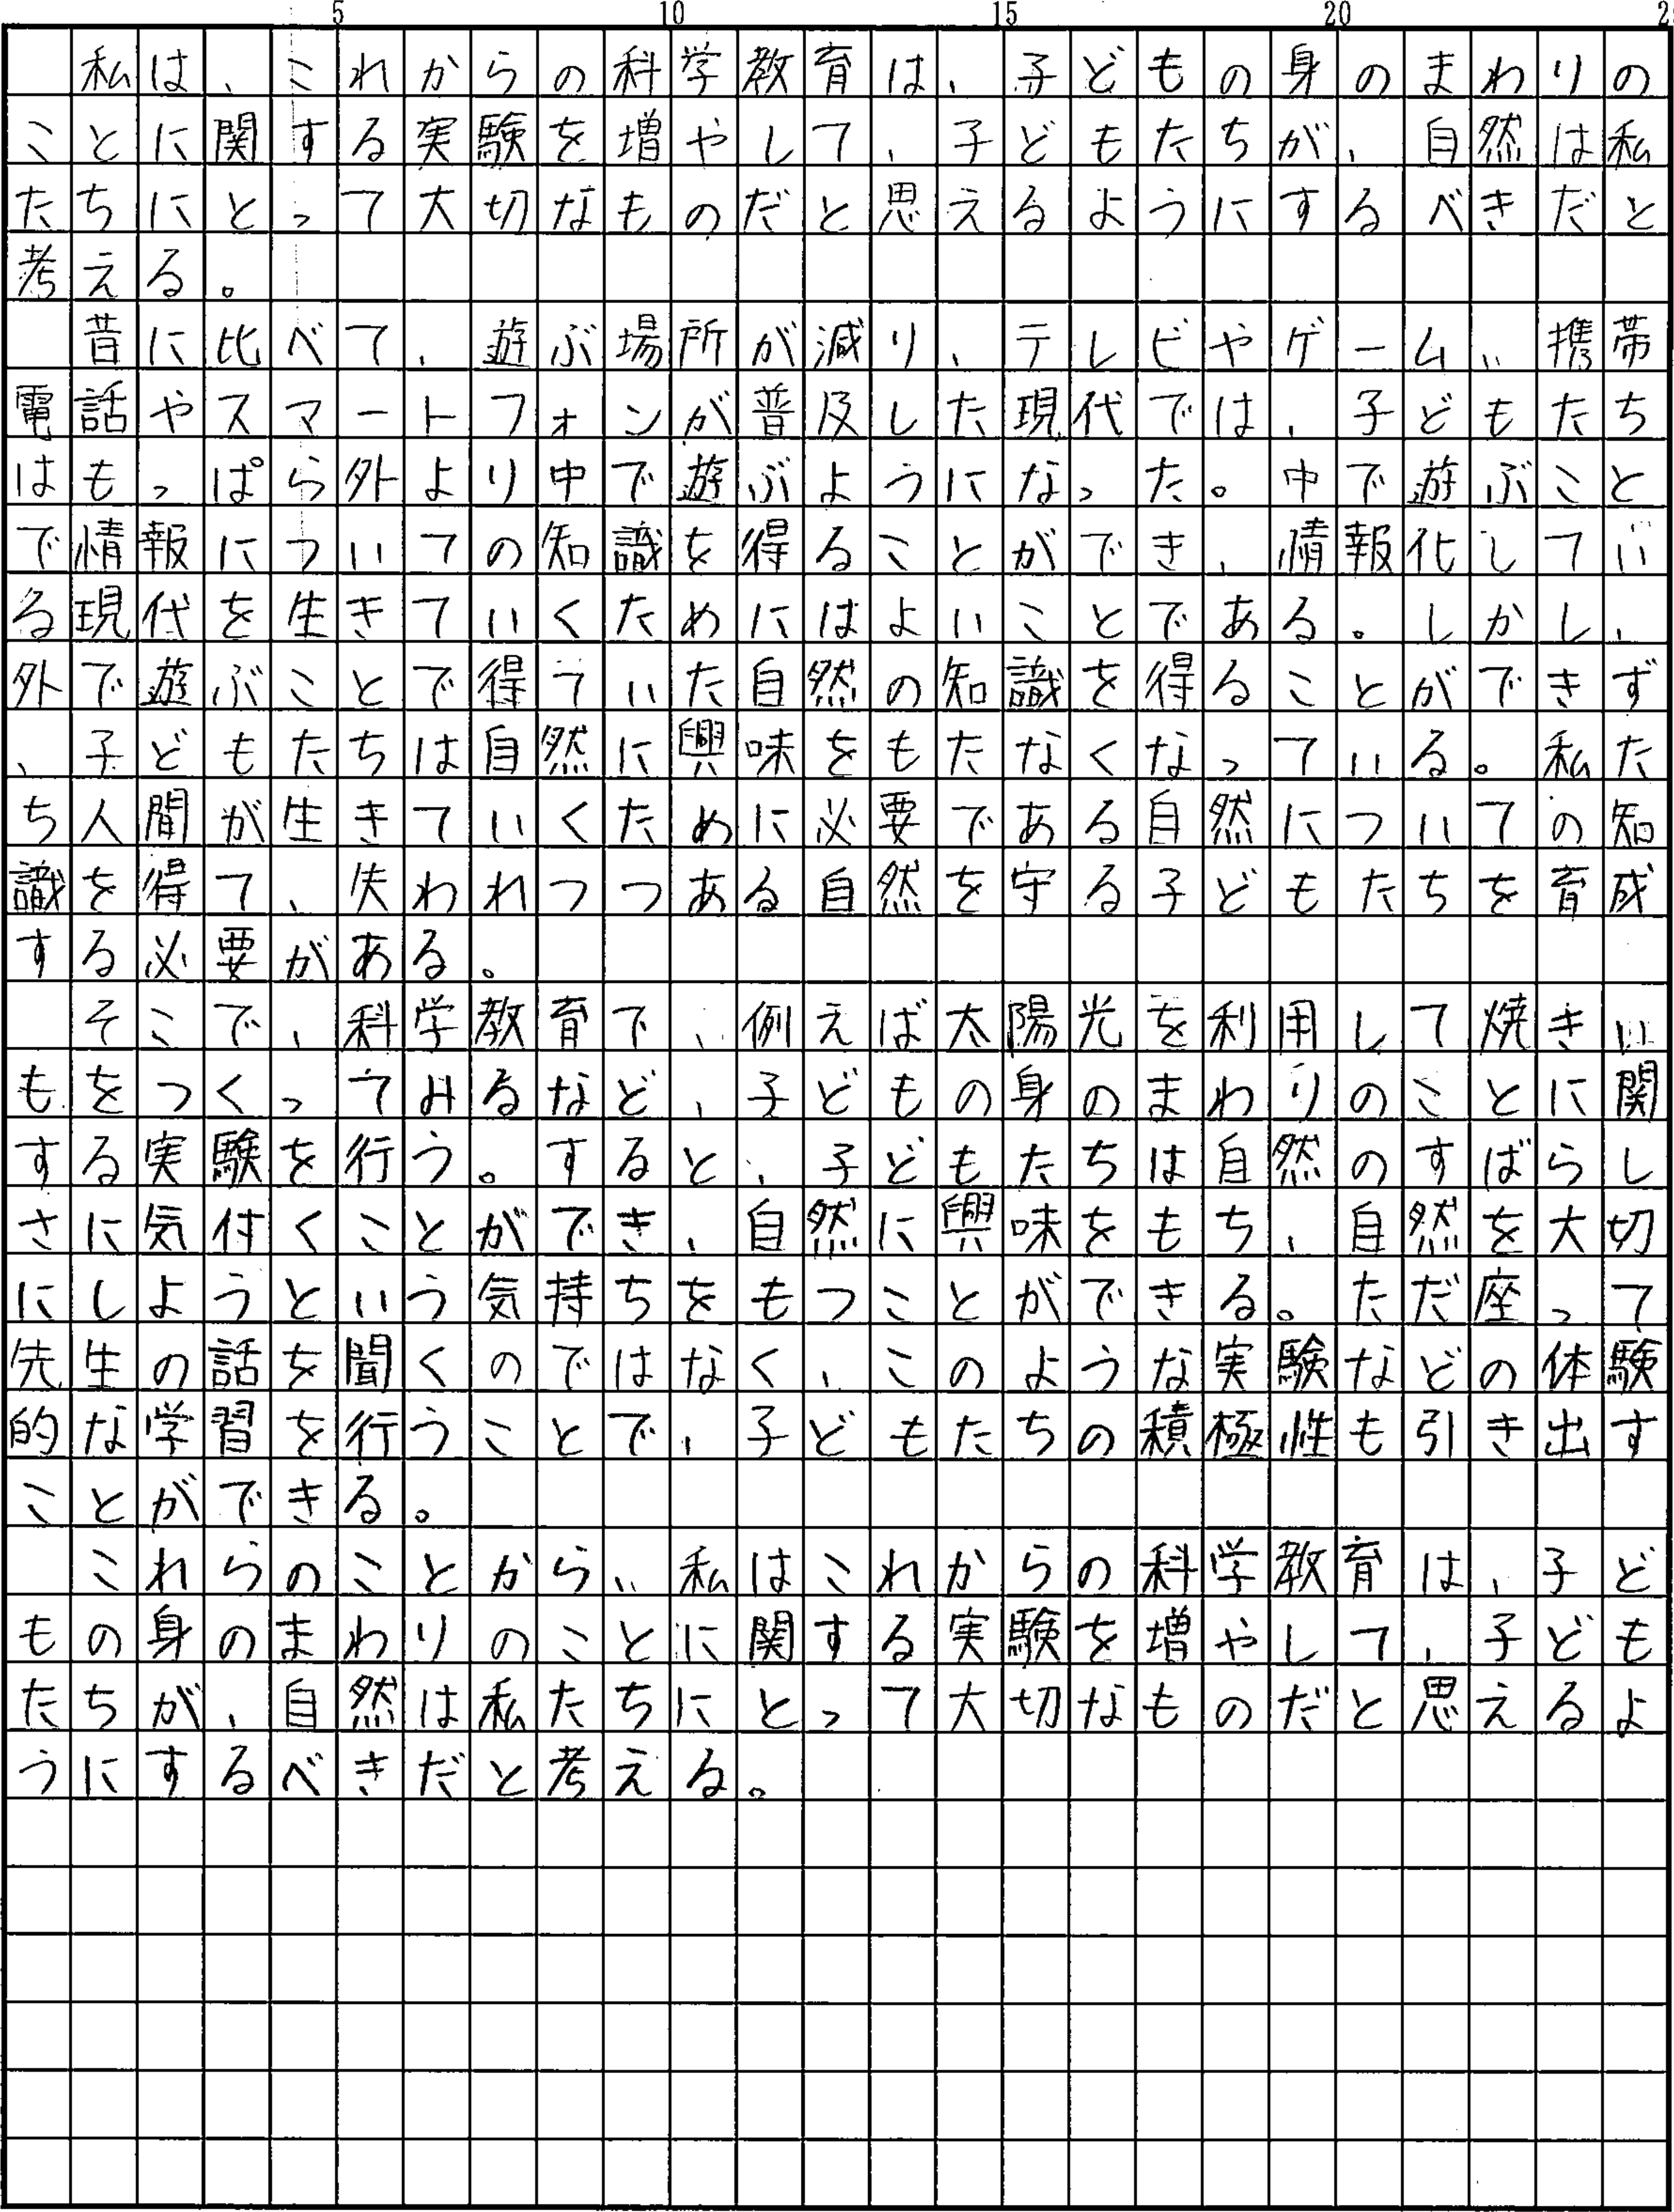　私は、これからの科学教育は、子どもの身のまわりのことに関する実験を増やして、子どもたちが、自然は私たちにとって大切なものだと思えるようにするべきだと考える。
　昔に比べて、遊ぶ場所が減り、テレビやゲーム、携帯電話やスマートフォンが普及した現代では、子どもたちはもっぱら外より中で遊ぶようになった。中で遊ぶことで情報についての知識を得ることができ、情報化している現代を生きていくためにはよいことである。しかし、外で遊ぶことで得ていた自然の知識を得ることができず、子どもたちは自然に興味をもたなくなっている。私たち人間が生きていくために必要である自然についての知識を得て、失われつつある自然を守る子どもたちを育成する必要がある。
　そこで、科学教育で、例えば太陽光を利用して焼きいもをつくってみるなど、子どもの身のまわりのことに関する実験を行う。すると、子どもたちは自然のすばらしさに気付くことができ、自然に興味をもち、自然を大切にしようという気持ちをもつことができる。ただ座って先生の話を聞くのではなく、このような実験などの体験的な学習を行うことで、子どもたちの積極性も引き出すことができる。
　これらのことから、私はこれからの科学教育は、子どもの身のまわりのことに関する実験を増やして、子どもたちが、自然は私たちにとって大切なものだと思えるようにするべきだと考える。
